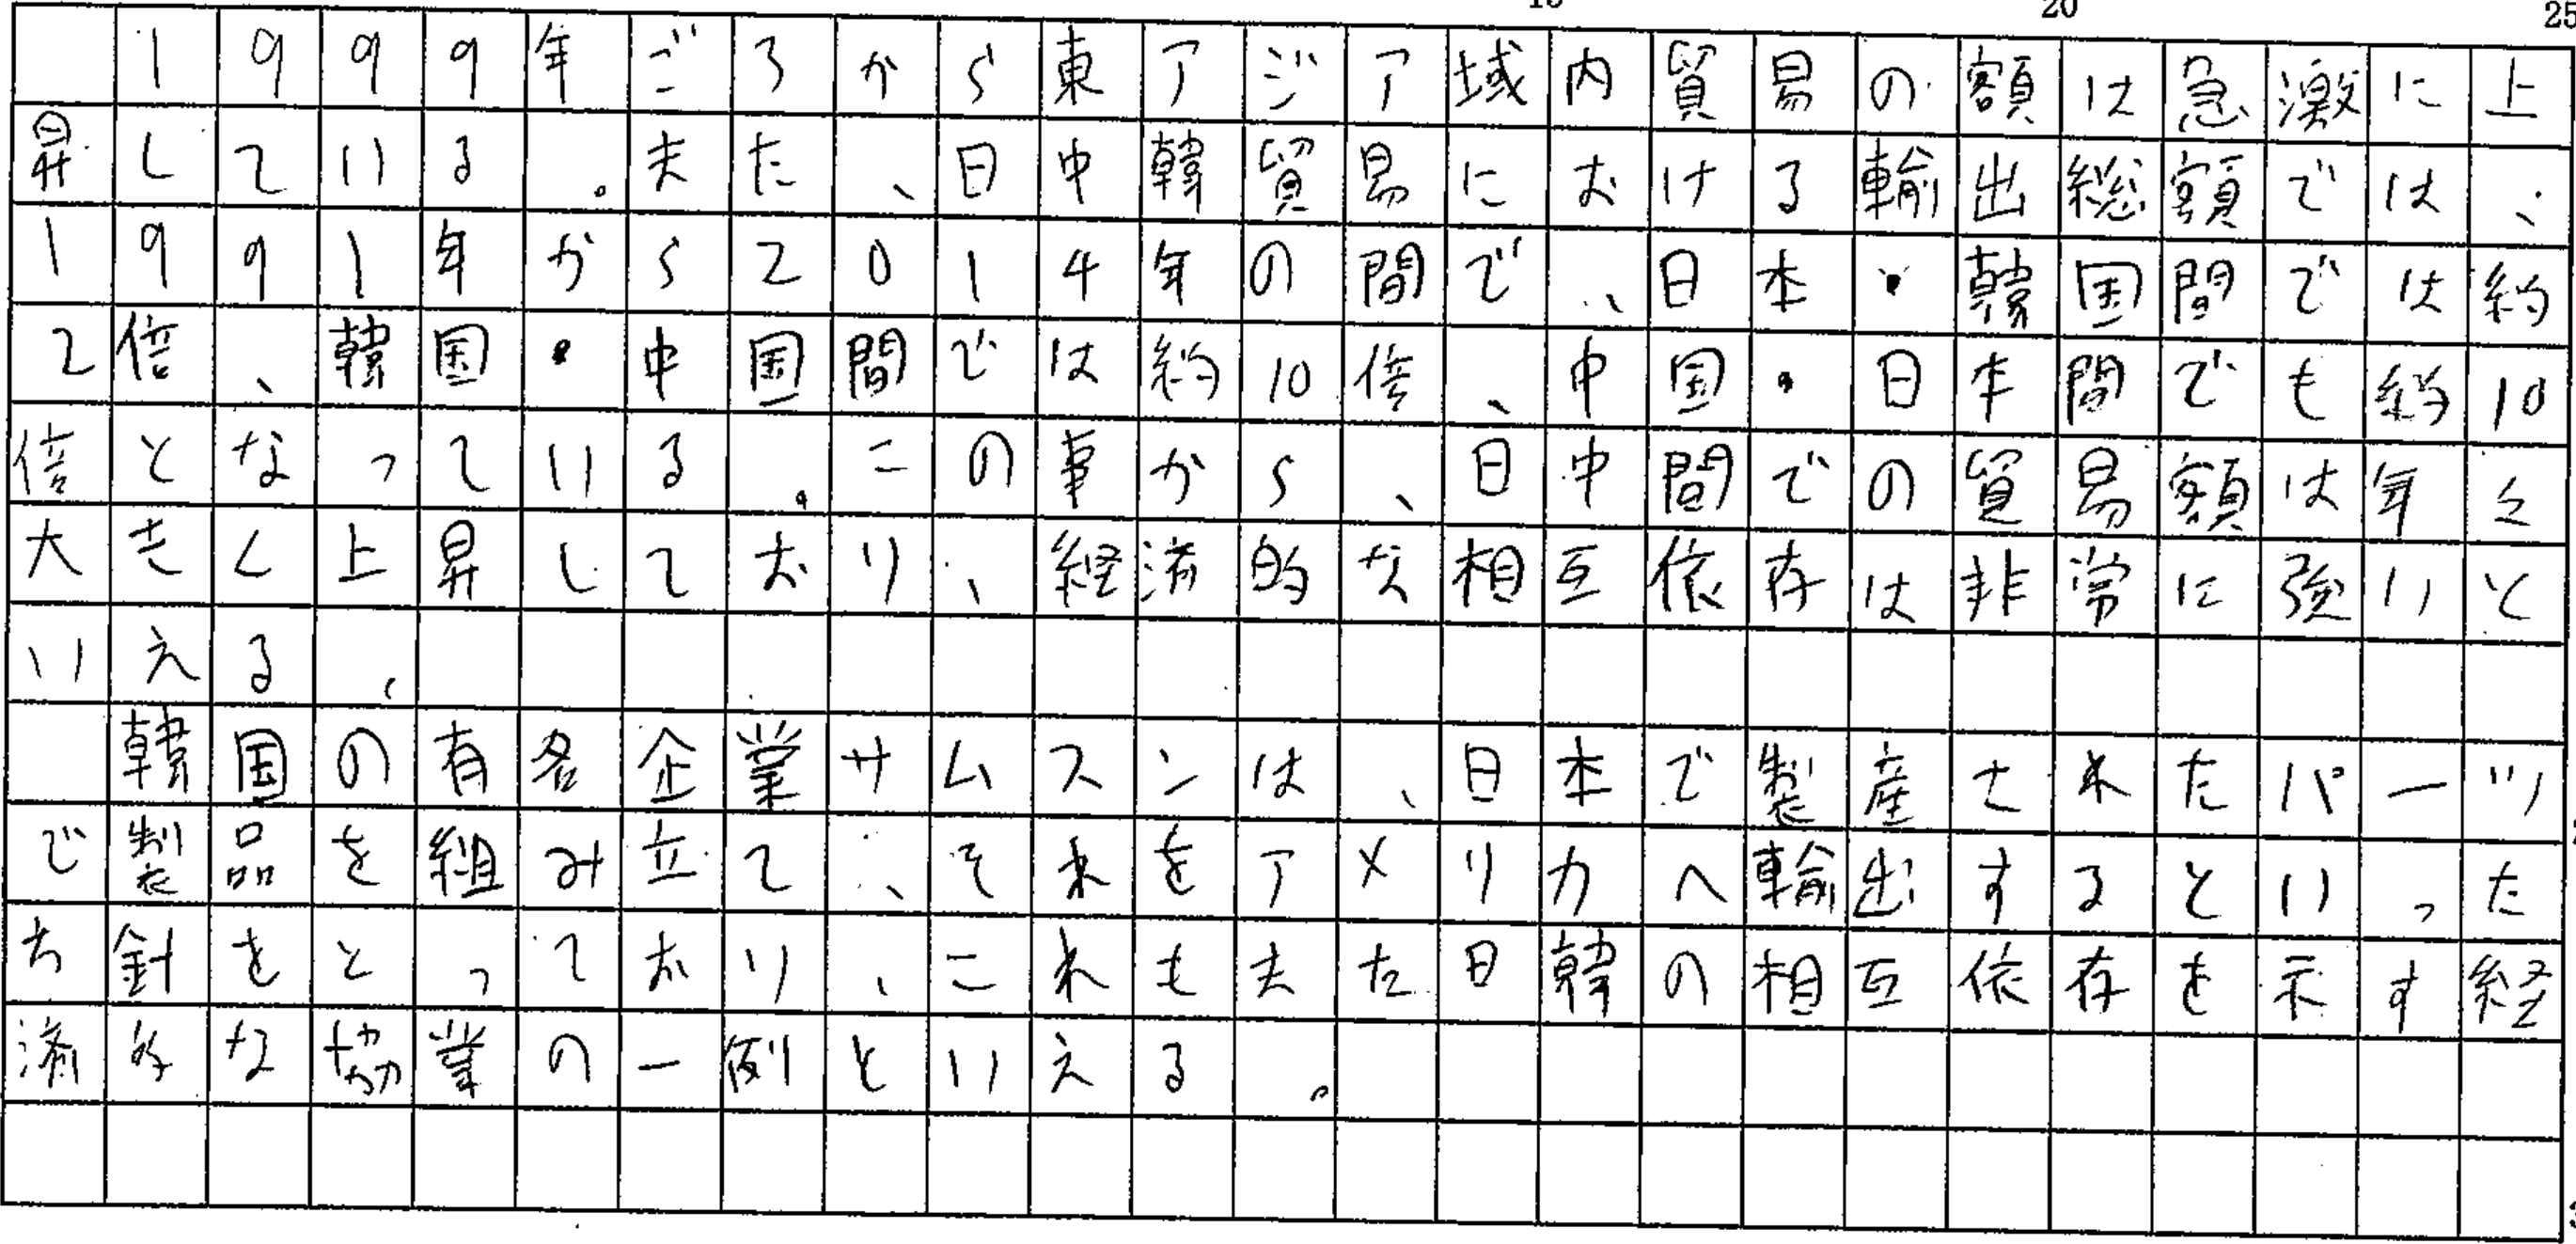　１９９９年ごろから東アジア域内貿易の額は急激に上昇している。また、日中韓貿易における輸出総額では、１９９１年から２０１４年の間で、日本・韓国間では約２倍、韓国・中国間では約１０倍、中国・日本間でも約１０倍となっている。この事から、日中間での貿易額は年々大きく上昇しており、経済的な相互依存は非常に強いといえる。
　韓国の有名企業サムスンは、日本で製産されたパーツで製品を組み立て、それをアメリカへ輸出するといった方針をとっており、これもまた日韓の相互依存を示す経済的な協業の一例といえる。
